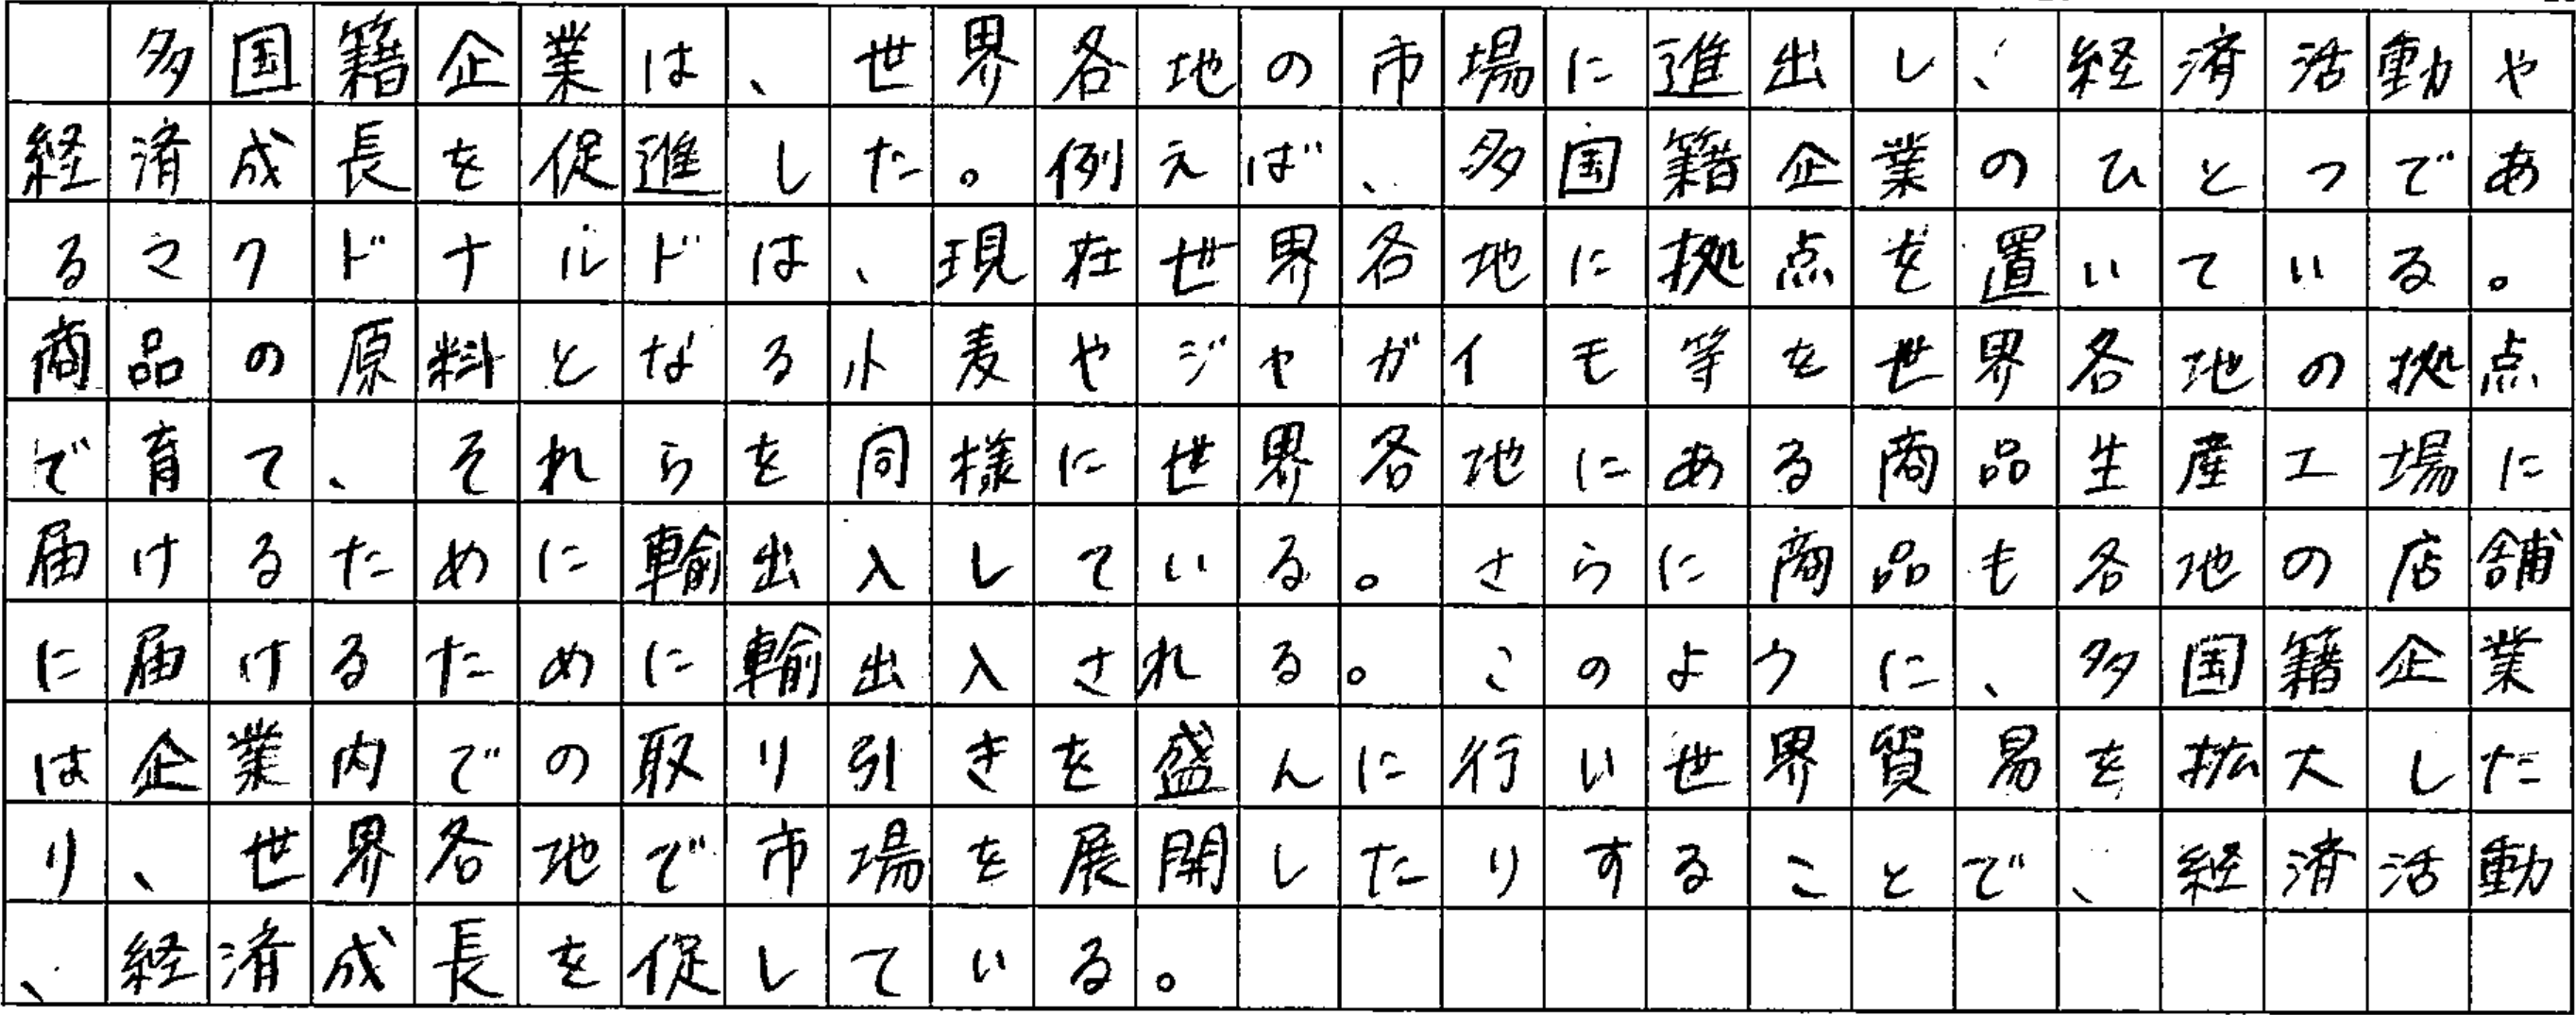　多国籍企業は、世界各地の市場に進出し、経済活動や経済成長を促進した。例えば、多国籍企業のひとつであるマクドナルドは、現在世界各地に拠点を置いている。商品の原料となる小麦やジャガイモ等を世界各地の拠点で育て、それらを同様に世界各地にある商品生産工場に届けるために輸出入している。さらに商品も各地の店舗に届けるために輸出入される。このように、多国籍企業は企業内での取り引きを盛んに行い世界貿易を拡大したり、世界各地で市場を展開したりすることで、経済活動、経済成長を促している。
